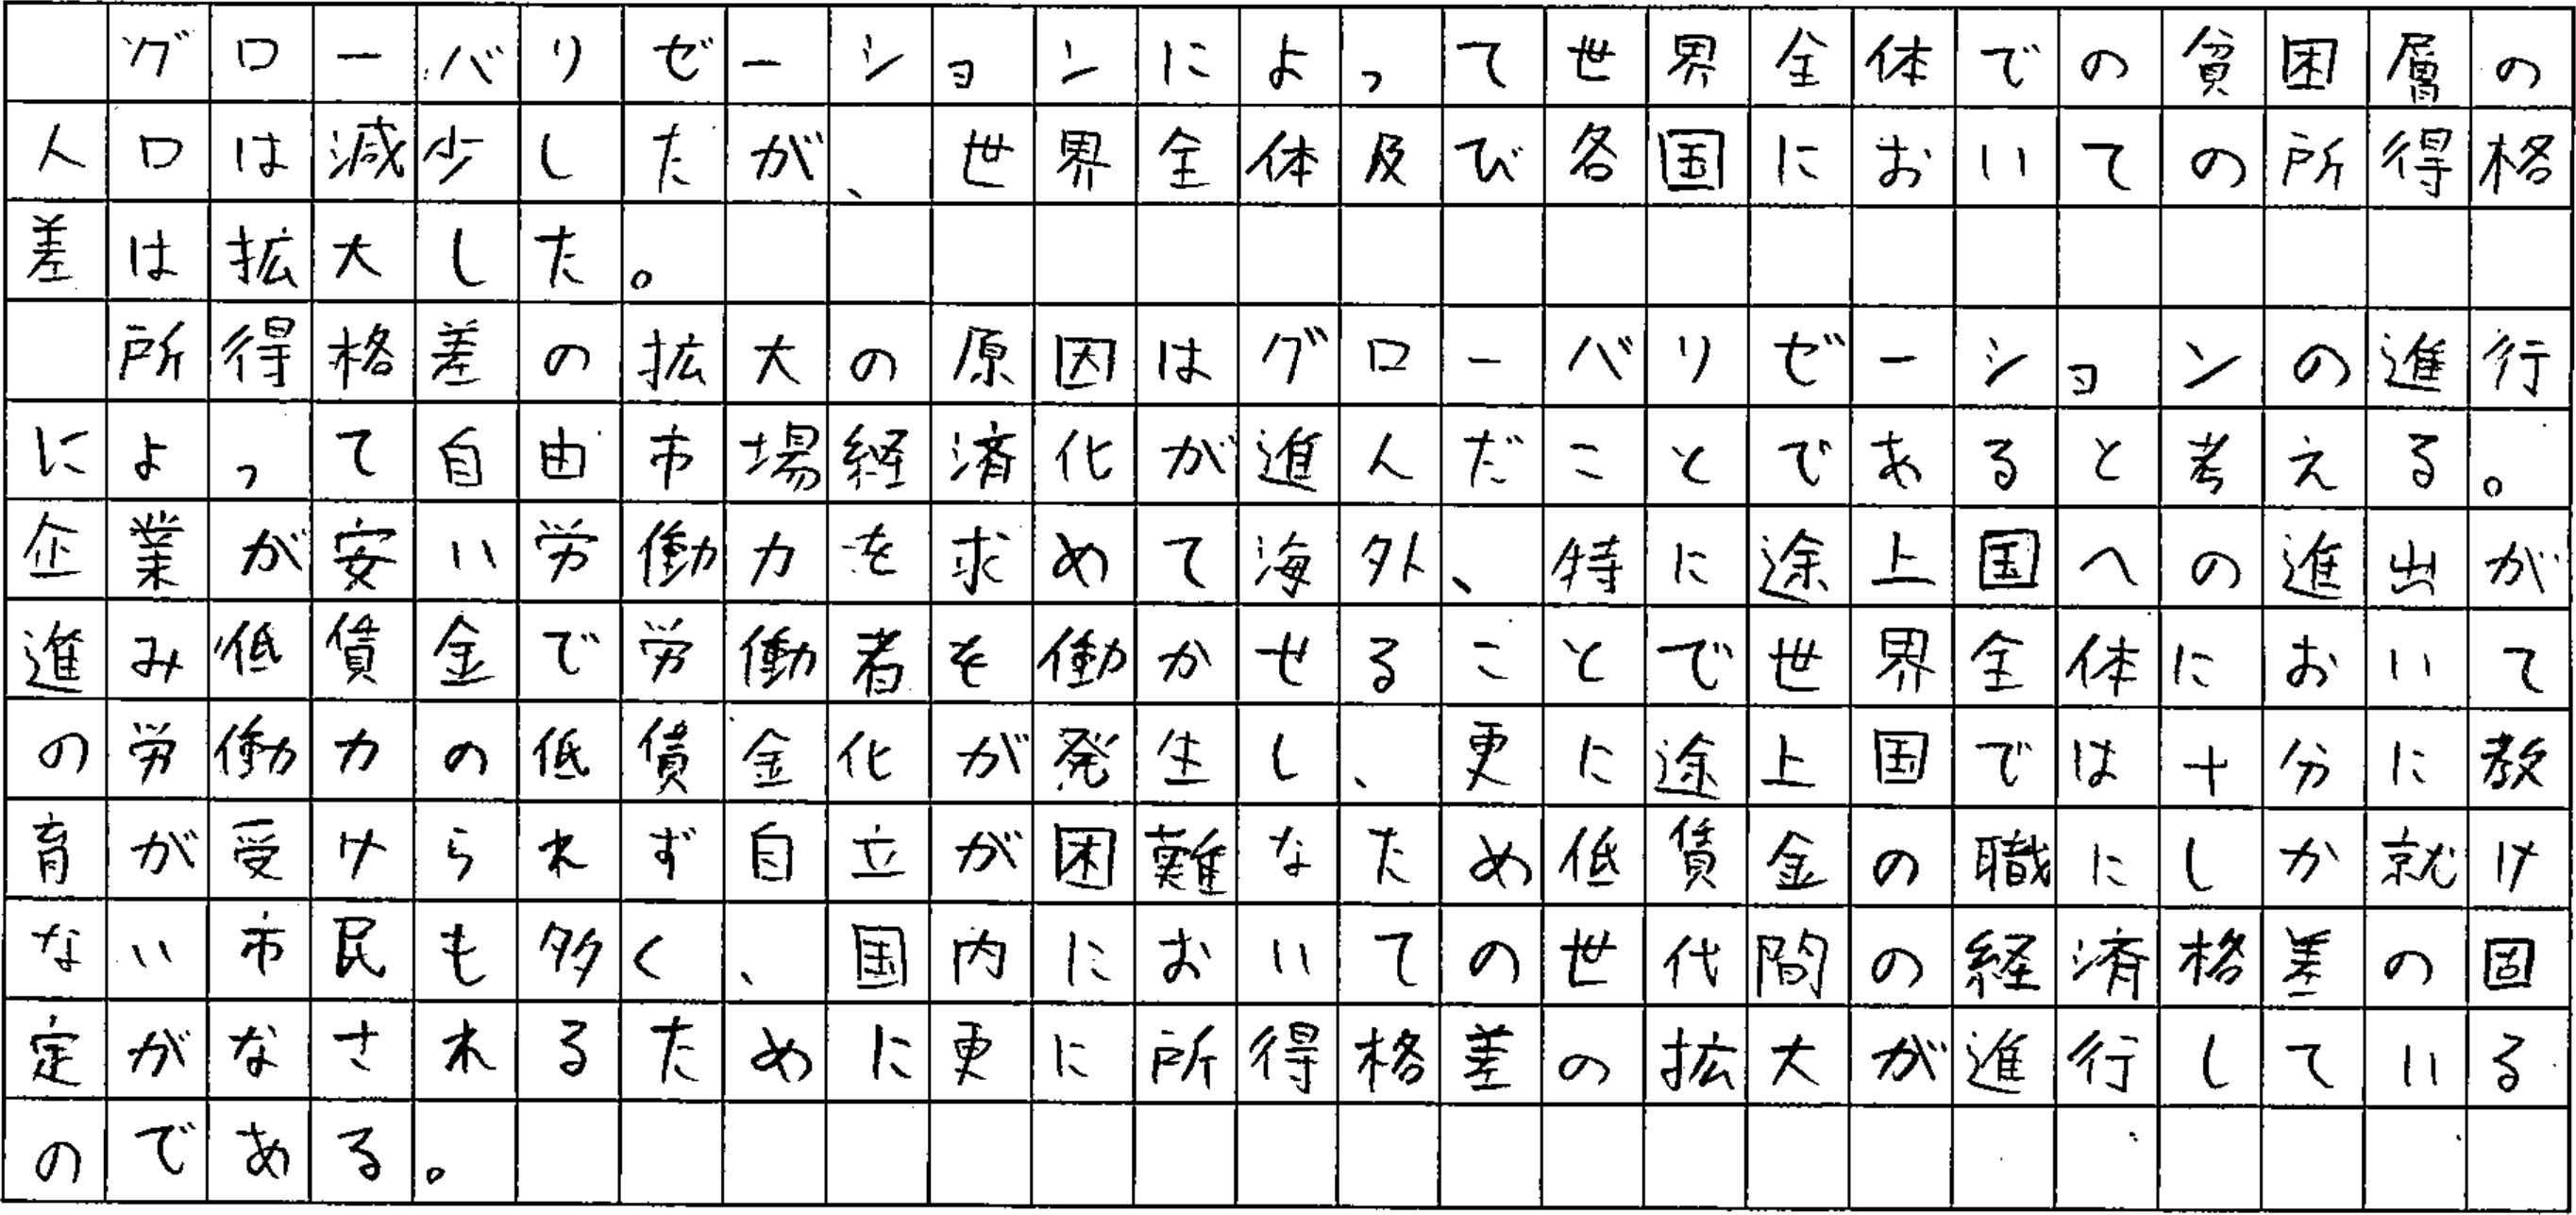　グローバリゼーションによって世界全体での貧困層の人口は減少したが、世界全体及び各国においての所得格差は拡大した。
　所得格差の拡大の原因はグローバリゼーションの進行によって自由市場経済化が進んだことであると考える。企業が安い労働力を求めて海外、特に途上国への進出が進み低賃金で労働者を働かせることで世界全体においての労働力の低賃金化が発生し、更に途上国では十分に教育が受けられず自立が困難なため低賃金の職にしか就けない市民も多く、国内においての世代間の経済格差の固定がなされるために更に所得格差の拡大が進行しているのである。
